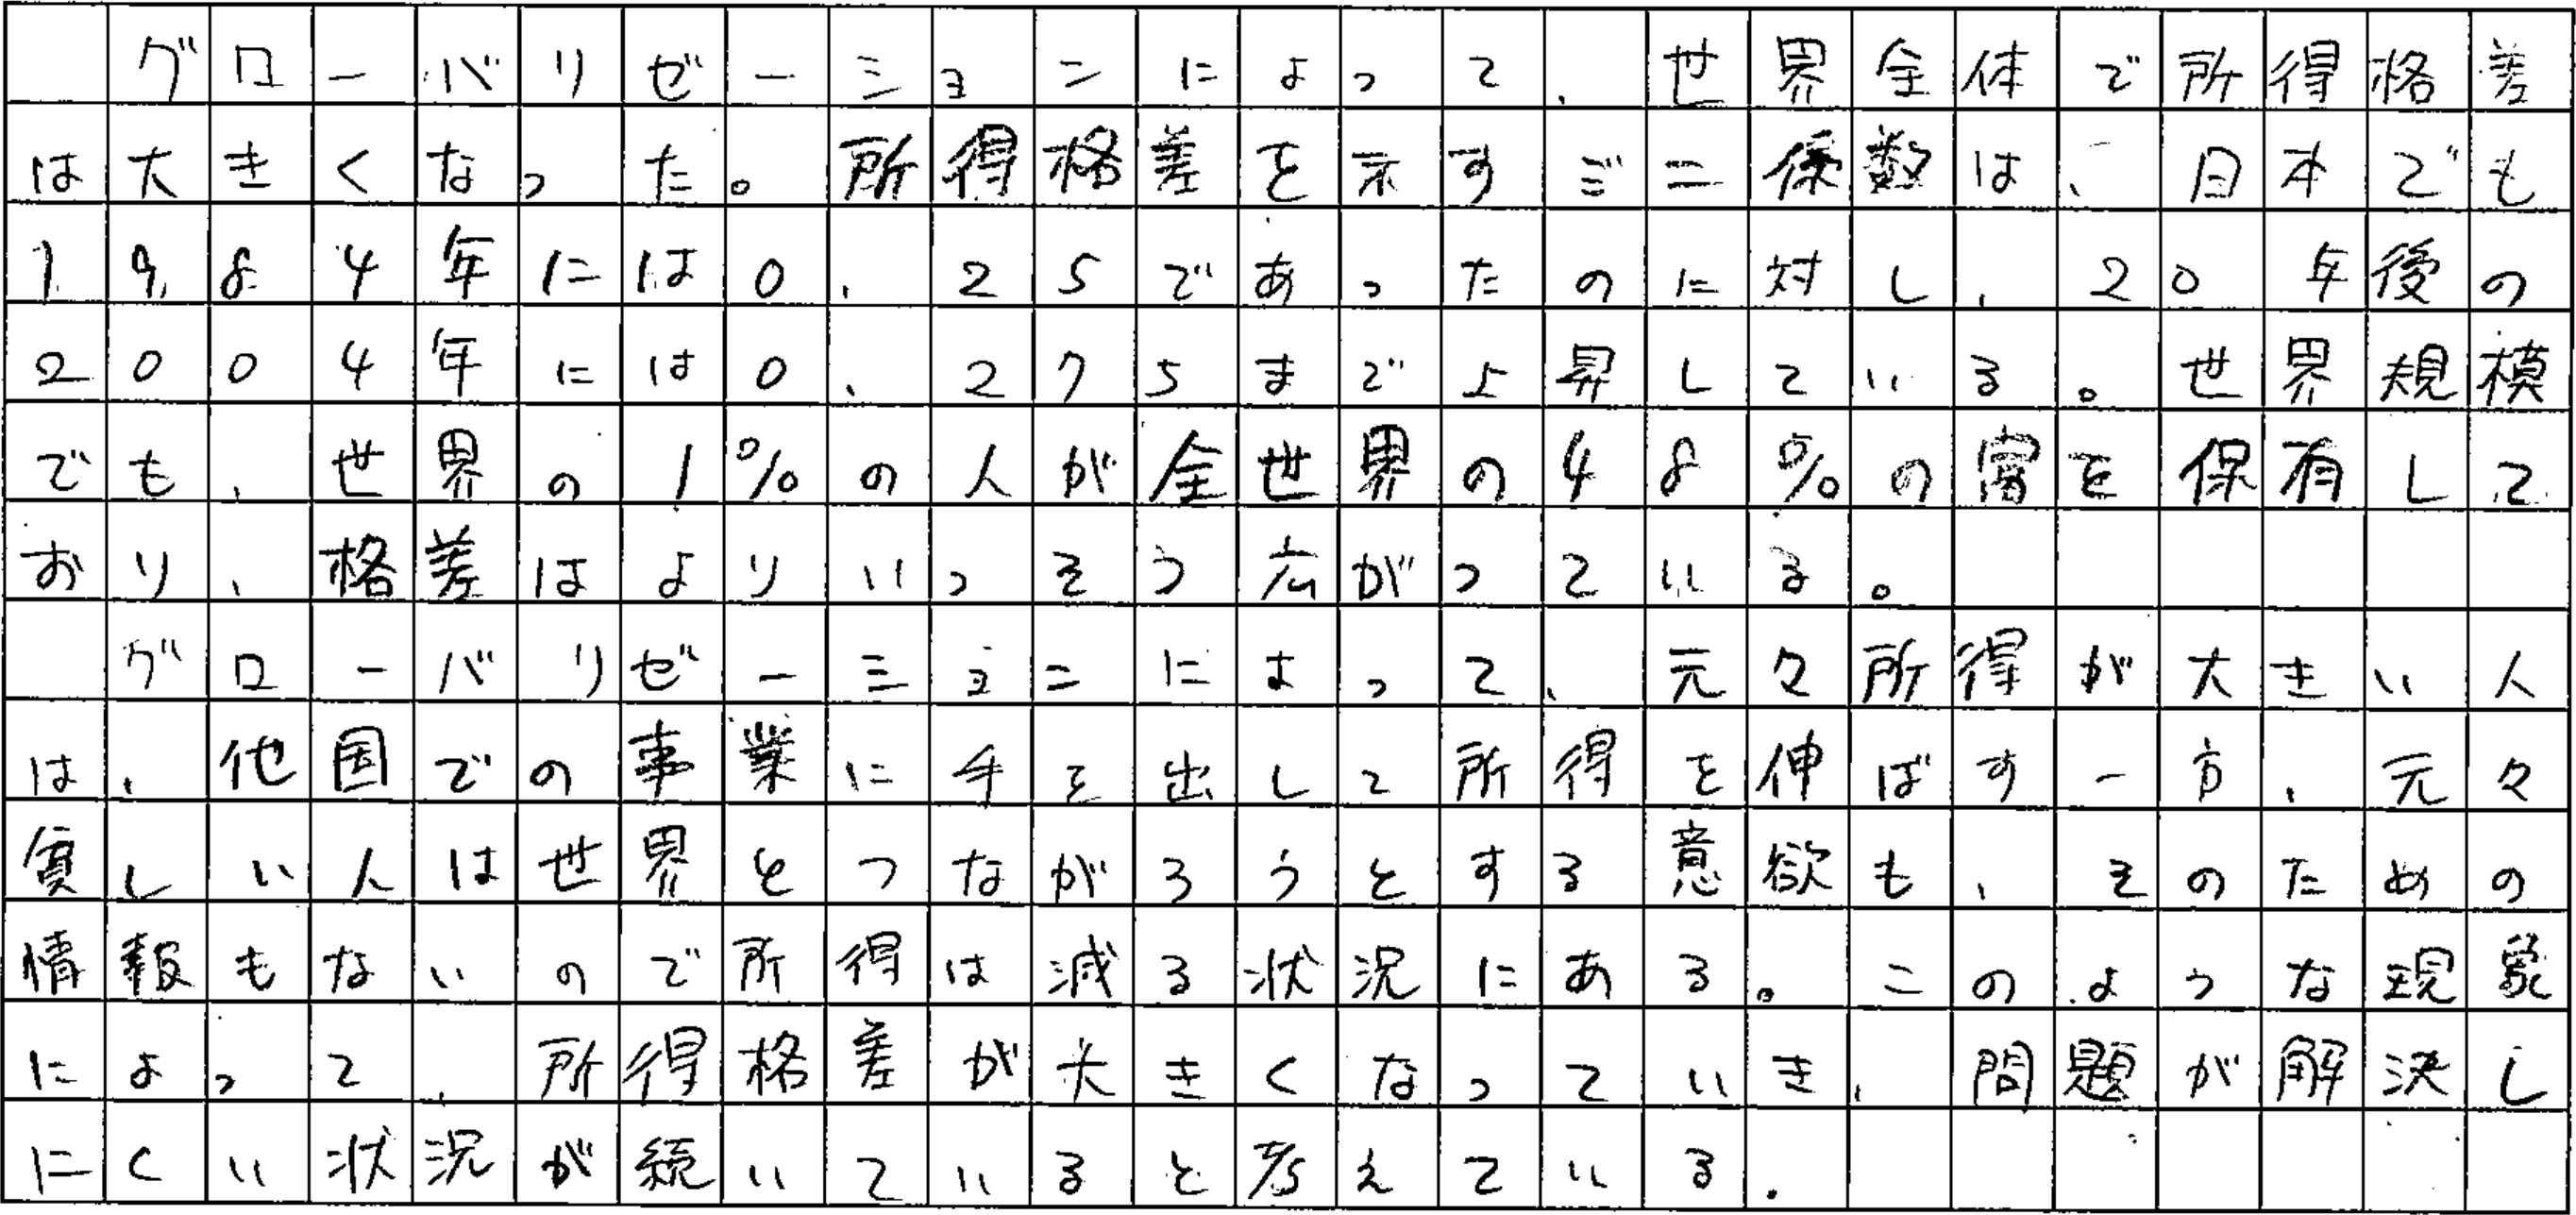　グローバリゼーションによって、世界全体で所得格差は大きくなった。所得格差を示すジニ係数は、日本でも１９８４年には０．２５であったのに対し、２０年後の２００４年には０．２７５まで上昇している。世界規模でも、世界の１％の人が全世界の４８％の富を所有しており、格差はよりいっそう広がっている。
　グローバリゼーションによって、元々所得が大きい人は、他国での事業に手を出して所得を伸ばす一方、元々貧しい人は世界とつながろうとする意欲も、そのための情報もないので所得は減る状況にある。このような現象によって、所得格差が大きくなっていき、問題が解決しにくい状況が続いていると考えている。
